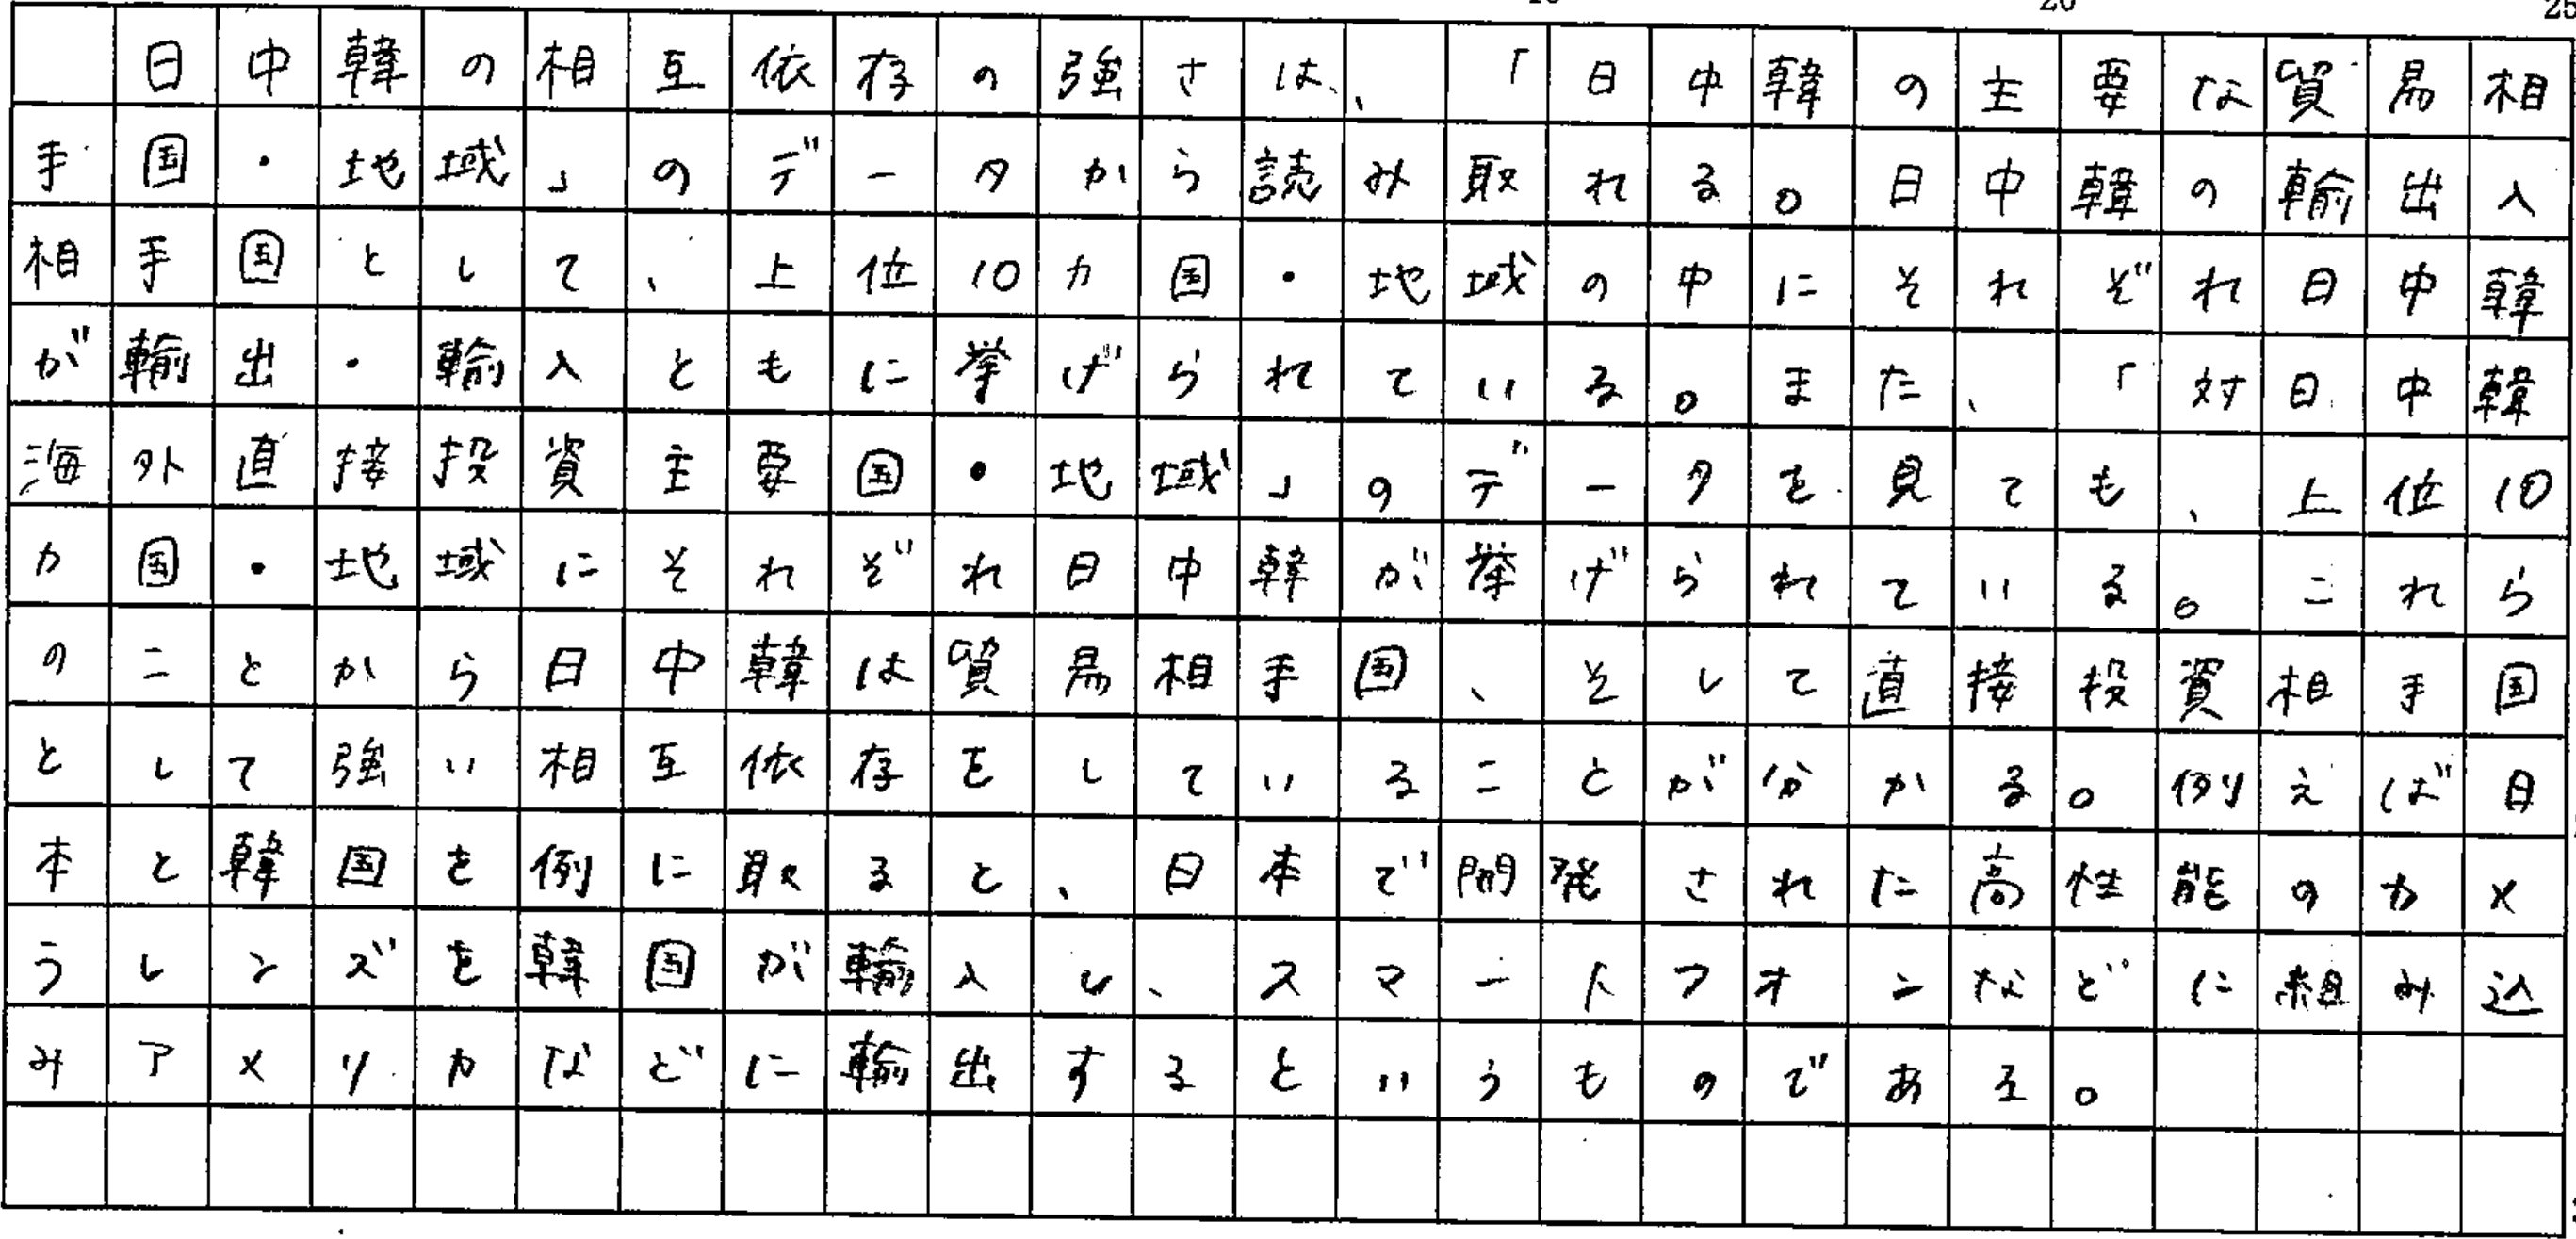　日中韓の相互依存の強さは、「日中韓の主要な貿易相手国・地域」のデータから読み取れる。日中韓の輸出入相手国として、上位10カ国・地域の中にそれぞれ日中韓が輸出・輸入ともに挙げられている。また、「対日中韓海外直接投資主要国・地域」のデータを見ても、上位10カ国・地域にそれぞれ日中韓が挙げられている。これらのことから日中韓は貿易相手国、そして直接投資相手国として強い相互依存をしていることが分かる。例えば日本と韓国を例に取ると、日本で開発された高性能のカメラレンズを韓国が輸入し、スマートフォンなどに組み込みアメリカなどに輸出するというものである。
